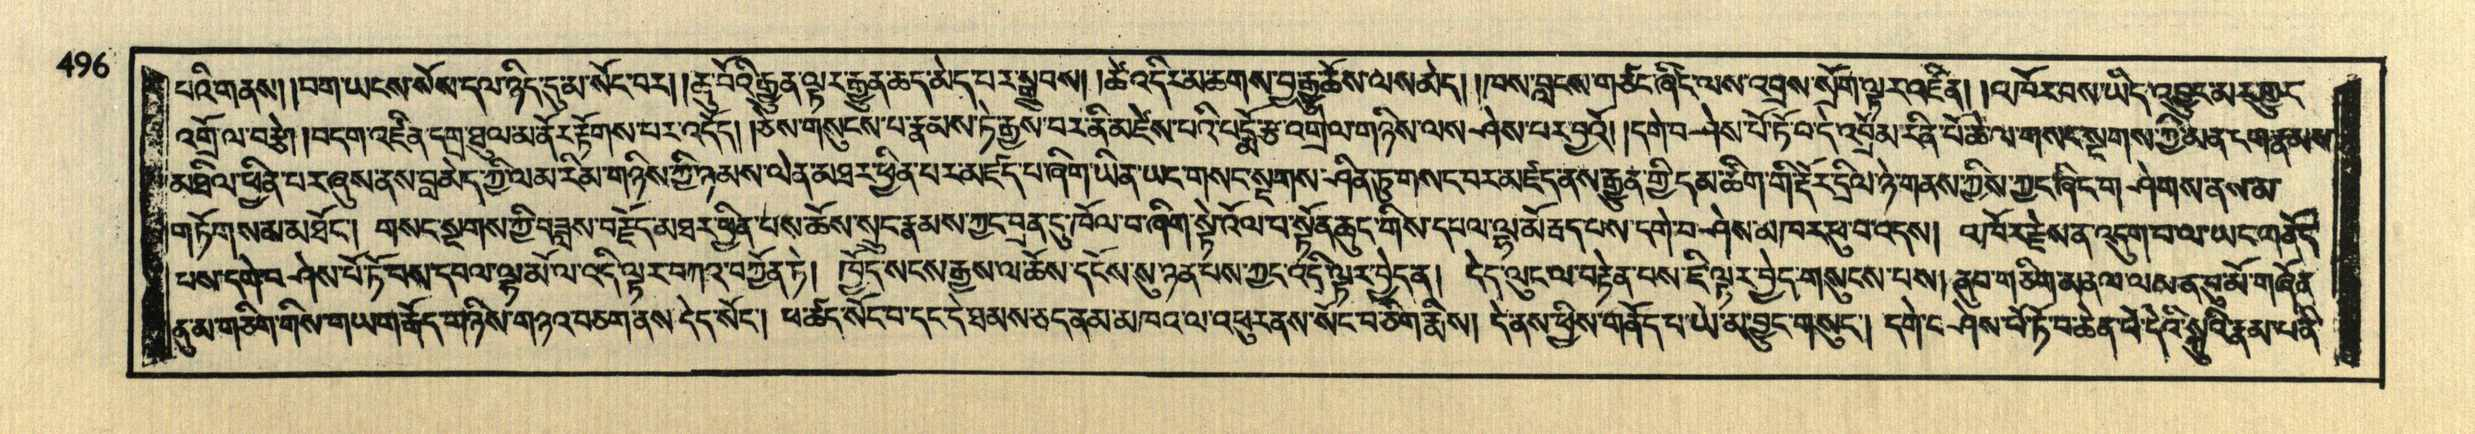པའི་གནས། །བག་ཡངས་སོས་དལ་ཉིད་དུ་མ་སོང་བར། །ཆུ་བོའི་རྒྱུན་ལྟར་རྒྱུན་ཆད་མེད་པར་སྒྲུབས། །ཚེ་འདིར་མ་ཆགས་བྱ་རྒྱུ་ཆོས་ལས་མེད། །ཁས་བླངས་གཙང་ཞིང་ལས་འབྲས་སྲོག་ལྟར་འཛིན། །འཁོར་བས་ཡིད་འབྱུང་མར་གྱུར་
འགྲོ་ལ་བརྩེ། །བདག་འཛིན་དགྲ་ཐུལ་མ་ནོར་རྟོགས་པར་འདོད། །ཅེས་གསུངས་པ་རྣམས་ཏེ་རྒྱས་བར་ནི་མཛེས་པའི་པདམོ་རྩ་འགྲེལ་གཉིས་ལས་ཤེས་པར་བྱའོ། །དགེ་བཤེས་པོ་ཏོ་བ་དེ་འབྲོམ་རིན་པོ་ཆེ་ལ་གསང་སྔགས་ཀྱི་མན་ངག་རྣམས་
མཐིལ་ཕྱིན་པར་ཞུས་ནས་བླ་མེད་ཀྱི་ལམ་རིམ་གཉིས་ཀྱི་ཉམས་ལེན་མཐར་ཕྱིན་པར་མཛད་པ་ཞིག་ཡིན་ཡང་གསང་སྔགས་ཤིན་ཏུ་གསང་བར་མཛད་ནས་རྒྱུན་གྱི་དམ་ཚིག་གི་རྡོར་དྲིལ་ཉེ་གནས་ཀྱིས་ཀྱང་ཞིང་གཤེགས་ནས་མ་
གཏོགས་མ་མཐོང་། གསང་སྔགས་ཀྱི་བཟླས་བརྗོད་མཐར་ཕྱིན་པས་ཆོས་སྲུང་རྣམས་ཀྱང་བྲན་དུ་ཁོལ་བ་ཞིག་སྟེ་འོལ་བ་སྟོན་ཆུང་གིས་དཔལ་ལྷ་མོ་རྦད་པས་དགེ་བཤེས་མཁར་ཕུ་བ་འདས། འཁོར་རྗེས་ན་འདུག་པ་ལ་ཡང་གནོད་
པས་དགེ་བཤེས་པོ་ཏོ་བས་དཔལ་ལྷ་མོ་ལ་འདི་ལྟར་བཀའ་བཀྱོན་ཏེ། ཨུཁྱོད་སངས་རྒྱས་ལ་ཆོས་དངོས་སུ་ཉན་པས་ཀྱང་འདི་ལྟར་བྱེད་ན། དེད་ལུང་ལ་བརྟེན་པས་ཇི་ལྟར་བྱེད་གསུངས་པས། ནུབ་གཅིག་མནལ་ལས་ན་བུ་མོ་གཞོན་
ནུ་མ་གཅིག་གིས་གཡག་རྒོད་གཉིས་གཉའ་བཅག་ནས་དེད་སོང་། ཕ་ཚད་སོང་བ་དང་དེ་ཐམས་ཅད་ནམ་མཁའ་ལ་འཕུར་ནས་སོང་བ་ཅིག་རྨིས། དེ་ནས་ཕྱིས་གནོད་པ་ཡེ་མ་བྱུང་གསུང་། དགེ་བཤེས་པོ་ཏོ་བ་ཆེན་པོ་དེའི་སུའི་རྣམ་པ་ནི་